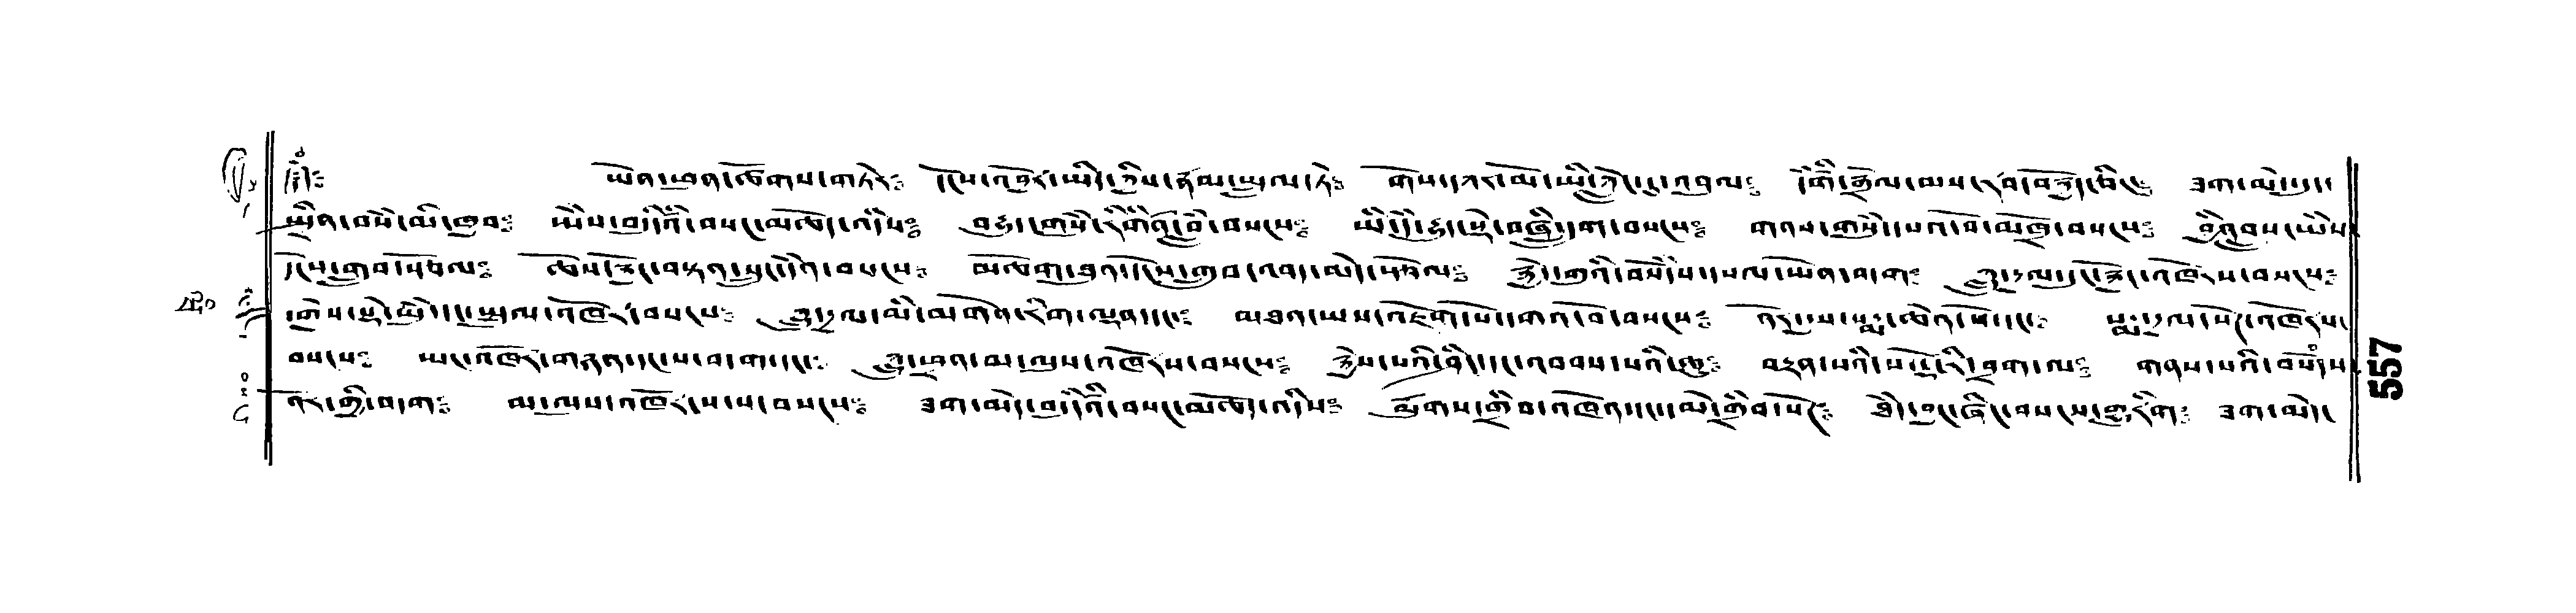ཡོན་ཕུན་ཚོགས་གཏེར༔ དངོས་འབྱོར་ཡིད་ཀྱིས་རྣམ་སྤྲུལ་ཏེ༔ གོས་དཀར་མོ་ཡི་ཀློང་དུ་འབུལ༔ དམ་ཚིག་སྒྲོལ་མས་རབ་བསྐྱོད་ཅིང༔ ཟག་མེད་དུད་
སྤྲིན་བསམ་མི་ཁྱབ༔ ཡེ་ཤེས་བདུད་རྩིའི་བསང་མཆོད་འདིས༔ བརྒྱུད་གསུམ་རིག་འཛིན་བླ་མ་བསངས༔ ཡི་དམ་རྒྱུད་སྡེ་བཞི་དྲུག་བསངས༔ གནས་གསུམ་དཔའ་བོ་མཁའ་འགྲོ་བསངས༔ བྱིན་རླབས་ཡེ་ཤེས་
དངོས་གྲུབ་སྩོལ༔ ཆོས་སྐྱོང་བསྟན་སྲུང་དམ་ཅན་བསངས༔ ་་་་་་་་ཀླུ་རྒྱལ་མི་མགོན་རིག་ལྡན་དང༔ མཐའ་ཡས་འཇོག་པོ་དགའ་བོ་བསངས༔ ནོར་རྒྱས་པདྨ་ཆེན་པོ་དང༔ པདྨ་རྒྱལ་སོགས་འཁོར་བཅས་བསངས༔ 
་་་་་་་ཡང་འཁོར་གཉན་དང་ས་བདག་དང༔ ཀླུ་ཕྲན་མ་ལུས་འཁོར་འདས་བསངས༔ སྐྱེས་པའི་ཤིང་དང་འབབ་པའི་ཆུ༔ བརྟན་པའི་ས་རྡོ་རི་བྲག་ལ༔ གནས་པའི་བསོད་ནམས་
ནོར་གྱི་བདག༔ མ་ལུས་འཁོར་དང་བཅས་པ་བསངས༔ ཟག་མེད་བདུད་རྩིའི་བསང་མཆོད་འདིས༔ རྨུགས་གྲིབ་འཁོན་དང་དམེ་གྲིབ་སོགས༔ ཐམས་ཅད་བྱང་ཞིང་བསངས་གྱུར་ཅིག༔ ཟག་མེད་